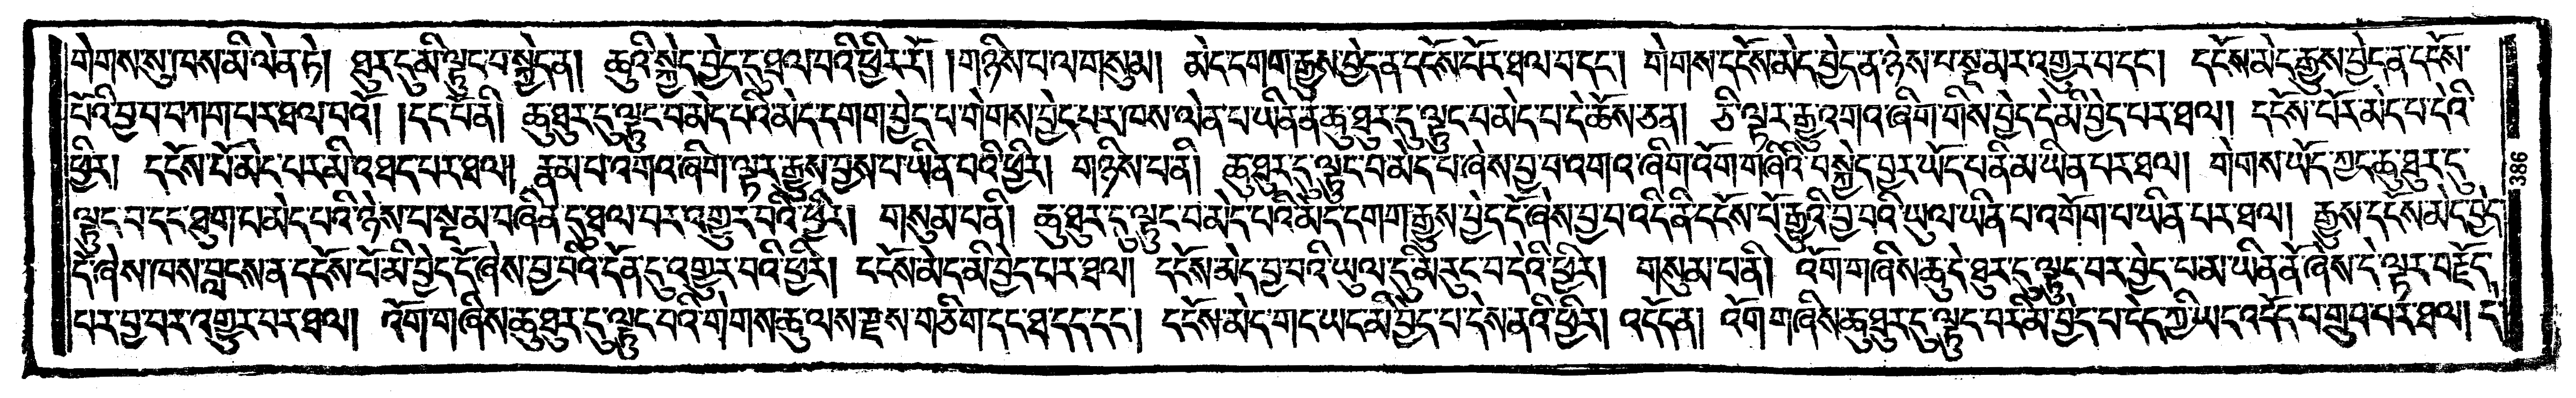གེགས་སུ་ཁས་མི་ལེན་ཏེ། ཐུར་དུ་མི་ལྟུང་བ་སྐྱེད་ན། ཆུའི་སྐྱེད་བྱེད་དུ་ཐལ་བའི་ཕྱིར་རོ། །གཉིས་པ་ལ་གསུམ། མེད་དགག་རྒྱུས་བྱེད་ན་དངོས་པོར་ཐལ་བ་དང་། གེགས་དངོས་མེད་བྱེད་ན་ཉེས་པ་སྔ་མར་འགྱུར་བ་དང་། དངོས་མེད་རྒྱུས་བྱེད་ན་དངོས་
པོའི་བྱ་བ་བཀག་པར་ཐལ་བའོ། །དང་པོ་ནི། ཆུ་ཐུར་དུ་ལྟུང་བ་མེད་པའི་མེད་དགག་བྱེད་པ་གེགས་བྱེད་པར་ཁས་ལེན་པ་ཡིན་ན་ཆུ་ཐུར་དུ་ལྟུང་བ་མེད་པ་དེ་ཆོས་ཅན། ཅི་ལྟར་རྒྱུ་འགའ་ཞིག་གིས་བྱེད་དེ་མི་བྱེད་པར་ཐལ། དངོས་པོར་མེད་པ་དེའི་
ཕྱིར། དངོས་པོ་མེད་པར་མི་འཐད་པར་ཐལ། རྣམ་པ་འགའ་ཞིག་ལྟར་རྒྱུས་བྱས་པ་ཡིན་པའི་ཕྱིར། གཉིས་པ་ནི། ཆུ་ཐུར་དུ་ལྟུང་བ་མེད་པ་ཞེས་བྱ་བ་འགའ་ཞིག་འོག་གཞིའི་བསྐྱེད་བྱར་ཡོད་པ་ནི་མ་ཡིན་པར་ཐལ། གེགས་ཡོད་ཀྱང་ཆུ་ཐུར་དུ་
ལྟུང་བ་དང་ཐུག་པ་མེད་པའི་ཉེས་པ་སྔ་མ་བཞིན་དུ་ཐལ་བར་འགྱུར་བའི་ཕྱིར། གསུམ་པ་ནི། ཆུ་ཐུར་དུ་ལྟུང་བ་མེད་པའི་མེད་དགག་རྒྱུས་བྱེད་དོ་ཞེས་བྱ་བ་འདི་ནི་དངོས་པོ་རྒྱུའི་བྱ་བའི་ཡུལ་ཡིན་པ་འགོག་པ་ཡིན་པར་ཐལ། རྒྱུས་དངོས་མེད་བྱེད་
དེ་ཞེས་ཁས་བླངས་ན་དངོས་པོ་མི་བྱེད་དོ་ཞེས་བྱ་བའི་དོན་དུ་འགྱུར་བའི་ཕྱིར། དངོས་མེད་མི་བྱེད་པར་ཐལ། དངོས་མེད་བྱ་བའི་ཡུལ་དུ་མི་རུང་བ་དེའི་ཕྱིར། གསུམ་པ་ནི། འོག་གཞིས་ཆུ་དེ་ཐུར་དུ་ལྟུང་བར་བྱེད་པ་མ་ཡིན་ནོ་ཞེས་དེ་ལྟར་བརྗོད་
པར་བྱ་བར་འགྱུར་བར་ཐལ། འོག་གཞིས་ཆུ་ཐུར་དུ་ལྟུང་བའི་གེགས་ཆུ་ལས་རྫས་གཅིག་དང་ཐ་དད་དང་། དངོས་མེད་གང་ཡང་མི་བྱེད་པ་དེས་ནའི་ཕྱིར། འདོད་ན། འོག་གཞིས་ཆུ་ཐུར་དུ་ལྟུང་བར་མི་བྱེད་པ་དེད་ཀྱི་ཡང་འདོད་པ་གྲུབ་པར་ཐལ། དེ་